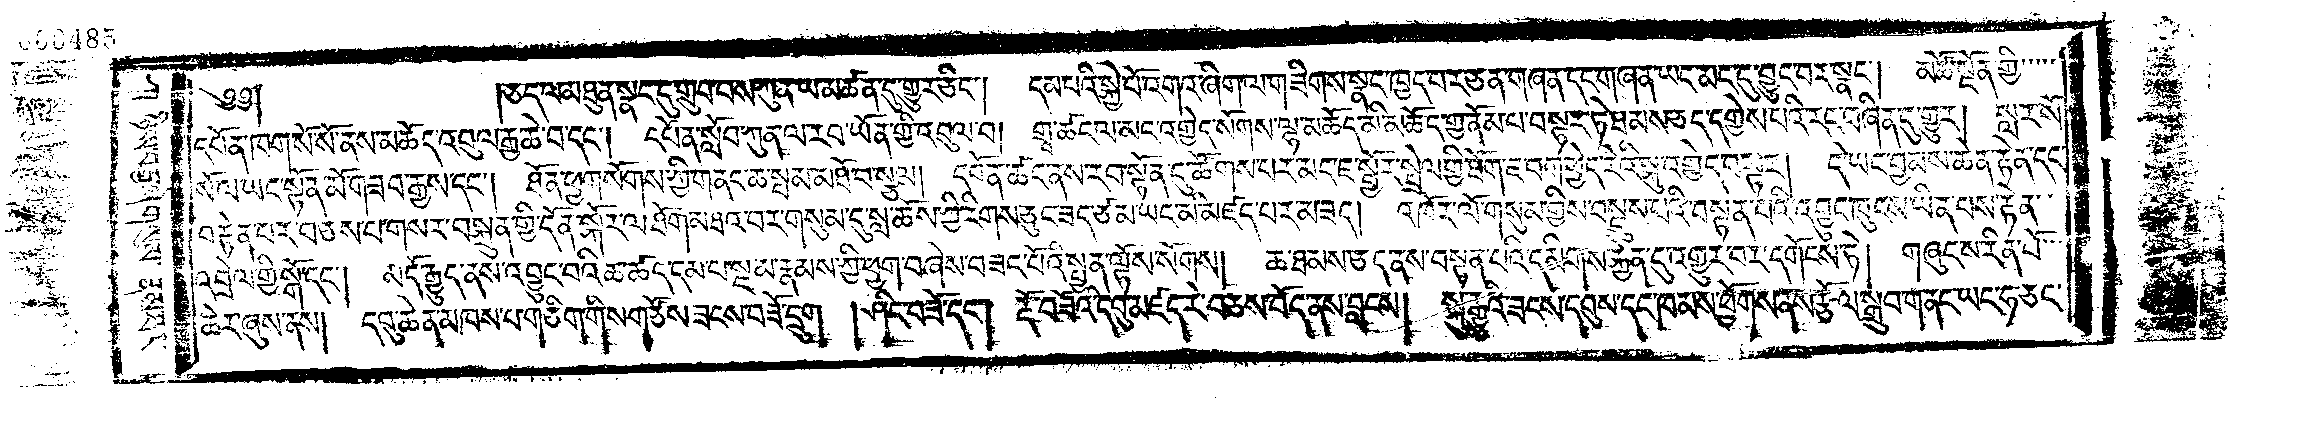༄༅། །ཅད་ལ་མཐུན་སྣང་དུ་གྲུབ་པས་ཀུན་ཡ་མཚན་དུ་གྱུར་ཅིང་། དམ་པའི་སྐྱེ་པོ་འགའ་ཞིག་ལ་གཟིགས་སྣང་ཁྱད་པར་ཅན་གཞན་དང་གཞན་ཡང་མང་དུ་བྱུང་བར་སྣང་། མཚོ་སྔོན་གྱི་
དཔོན་ཁག་སོ་སོ་ནས་མཆོད་འབུལ་རྒྱ་ཆེ་བ་དང་། དཔོན་སློབ་ཀུན་ལ་རབ་ཡོན་གྱི་འབུལ་བ། གྲྭ་ཚང་ལ་མང་འགྱེད་སོགས་ལྷ་མཆོད་མི་མཆོད་གྱ་ནོམ་པ་བསྟར་ཏེ་ཐམས་ཅད་དགྱེས་པའི་རང་བཞིན་དུ་གྱུར། སླར་སོ་
སོ་ལ་ཡང་སྟོན་མོ་གཟབ་རྒྱས་དང་། ཐོན་ཕྱག་སོགས་ཀྱི་གནང་ཆ་སྤམ་མཐོ་བ་སྩལ། དཔོན་ཚང་ནས་རབ་སྟོན་དུ་ཚོགས་པར་མང་ཇ་སྦྱོར་སྦྲེལ་གྱི་ཐོག་ཇ་བག་ཕྱེད་རེའི་སྐུ་འགྱེད་བསྟར། དེ་ཡང་བྱམས་ཆེན་རྟེན་དང་
བརྟེན་པར་བཅས་པ་གསར་བསྐྲུན་གྱི་དོན་སྐོར་ལ་ཐོག་མཐའ་བར་གསུམ་དུ་སླ་ཆོས་ཀྱི་རིགས་ཅུང་ཟད་ཙམ་ཡང་མི་མཛད་པར་མ་ཟད། འཁོར་ལོ་གསུམ་གྱིས་བསྡུས་པའི་བསྟན་པའི་འབྱུང་ཁུངས་ཡིན་པས་རྟེན་
འབྲེལ་གྱི་སྒོ་དང་། མདོ་རྒྱུད་ནས་འབྱུང་བའི་ཆ་ཚད་དམ་པ་སྔ་མ་རྣམས་ཀྱི་ཕྱག་བཞེས་བཟང་པོའི་སྤྱན་ལྟོས་སོགས། ཆ་ཐམས་ཅད་ནས་བསྟན་པའི་དམིགས་རྐྱེན་དུ་འགྱུར་བར་དགོངས་ཏེ། གཞུང་ས་རིན་པོ་
ཆེར་ཞུས་ནས། དབུ་ཆེན་མཁས་པ་གཅིག་གིས་གཙོས་ཟངས་བཟོ་དྲུག །ཤིང་བཟོ་དང་། རྡོ་བཟོའི་དབུ་མཛད་རེ་བཅས་བོད་ནས་བླངས། སྐུ་རྒྱུའི་ཟངས་དབུས་དང་ཁམས་ཕྱོགས་ནས་རྩོལ་སྒྲུབ་གནང་ཡང་ཧ་ཅང་